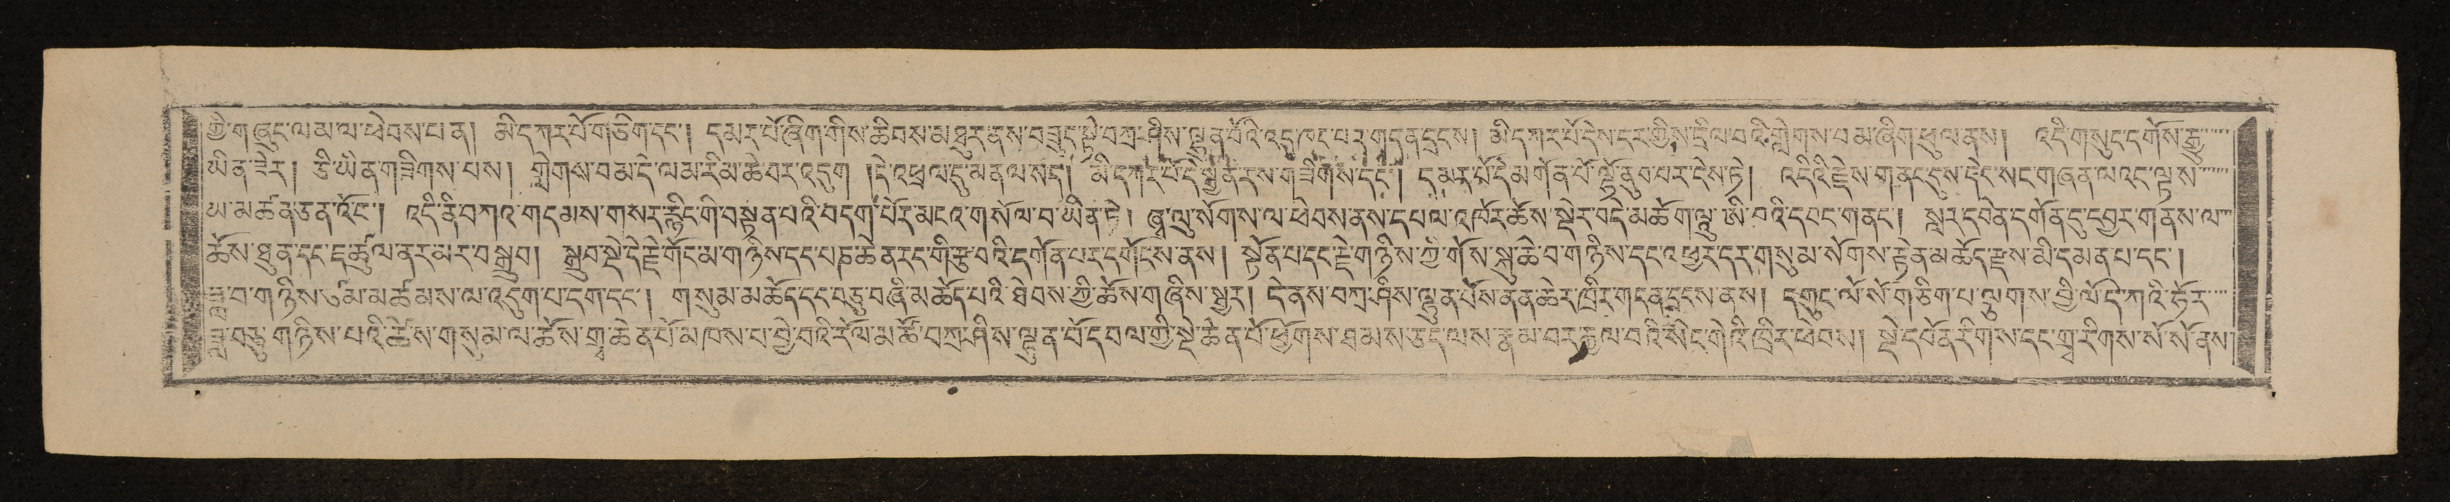གྱི་གཞུང་ལམ་ལ་ཕེབས་པ་ན། མི་དཀར་པོ་གཅིག་དང་། དམར་པོ་ཞིག་གིས་ཆིབས་མཐུར་ནས་བཟུང་སྟེ་བཀྲ་ཤེས་ལྷུན་པོའི་འདུ་ཁང་བར་གདན་དྲངས། མི་དཀར་པོ་དེས་དར་གྱིས་དྲིལ་བའི་གླེགས་བ་མ་ཞིག་ཕུལ་ནས། འདི་གསུང་དགོས་རྒྱུ་
ཡིན་ཟེར། ཅི་ཡིན་གཟིགས་པས། གླེགས་བམ་དེ་ལམ་རིམ་ཆེ་བར་འདུག །དེ་འཕྲལ་དུ་མནལ་སད། མི་དཀར་པོ་དེ་སྦྱན་རས་གཟིགས་དང་། དམར་པོ་དེ་མགོན་པོ་ལྷོ་ནུབ་པར་ངེས་ཏེ། འདིའི་རྗེས་གནང་དུས་དེང་སང་གཞན་ལའང་ལྟས་
ཡ་མཚན་ཅན་འོང་། འདི་ནི་བཀའ་གདམས་གསར་རྙིང་གི་བསྟན་པའི་བདག་པོར་མངའ་གསོལ་བ་ཡིན་ཏེ། ཞྭ་ལུ་སོགས་ལ་ཕེབས་ནས་དཔལ་འཁོར་ཆོས་སྡེར་བདེ་མཆོག་ལཱུ་ཨི་བའི་དབང་གནང་། སླར་དབེན་དགོན་དུ་དབྱར་གནས་ལ་
ཆོས་ཐུན་དང་ཇ་ཚུལ་ནར་མར་བསྒྲུབ། སྒྲུབ་སྡེ་དེ་རྗེ་གོང་མ་གཉིས་དང་པཎ་ཆེན་རང་གི་རྩ་བའི་དགོན་པར་དགོངས་ནས། སྟོན་པ་དང་རྗེ་གཉིས་ཀྱི་གོས་སྐུ་ཆེ་བ་གཉིས་དང་འཕྱར་དར་གསུམ་སོགས་རྟེན་མཆོད་རྫས་མི་དམན་པ་དང་།
ཟླ་བ་གཉིས་ཙམ་མཚམས་ལ་འདུག་པ་དག་དང་། གསུམ་མཆོད་དང་བཅུ་བཞི་མཆོད་པའི་ཐེབས་ཀྱི་ཆོས་གཞིས་སྦྱར། དེ་ནས་བཀྲ་ཤིས་ལྷུན་པོས་ནན་ཆེར་ཁྲིར་གདན་དྲངས་ནས། དགུང་ལོ་སོ་གཅིག་པ་ལྕགས་བྱི་ལོ་དེ་ཀའི་ཧོར་
ཟླ་བཅུ་གཉིས་པའི་ཚེས་གསུམ་ལ་ཆོས་གྲྭ་ཆེན་པོ་མཁས་པ་བྱེ་བའི་རོལ་མཚོ་བཀྲ་ཤིས་ལྷུན་པོ་དཔལ་གྱི་སྡེ་ཆེན་པོ་ཕྱོགས་ཐམས་ཅད་ལས་རྣམ་པར་རྒྱལ་བའི་སེང་གེའི་ཁྲིར་ཕེབས། སྡེ་དཔོན་རིགས་དང་གྲྭ་རིགས་སོ་སོ་ནས་